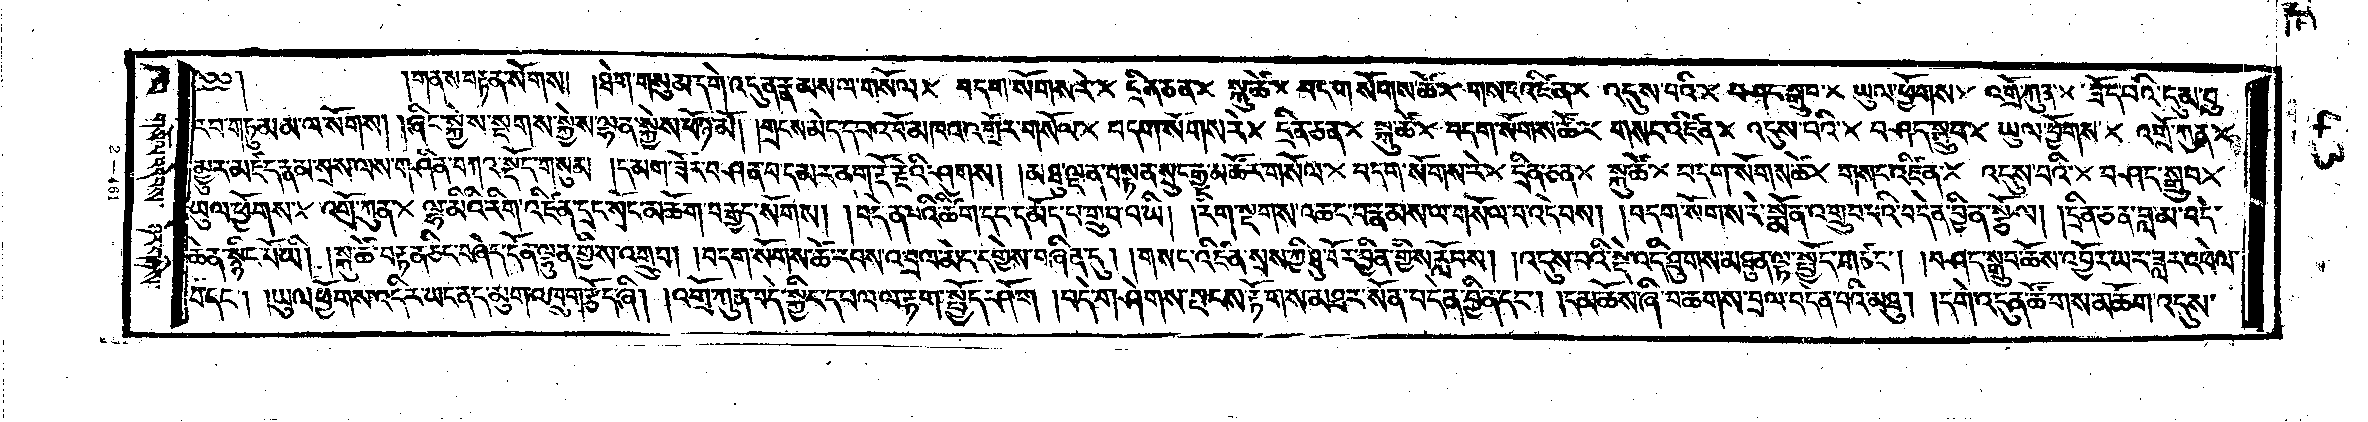༄༅། །གནས་བརྟན་སོགས། །ཐེག་གསུམ་དགེ་འདུན་རྣམས་ལ་གསོལ་྾་བདག་སོགས་རེ་྾་དྲིན་ཅན་྾་སྐུ་ཚེ་྾་བདག་སོགས་ཚེ་྾་གསར་འཛིན་྾་འདུས་པའི་྾་བཤད་སྒྲུབ་྾་ཡུལ་ཕྱོགས་྾་འགྲོ་ཀུན་྾་ཟོད་པའི་དུམ་བུ་
རབ་གཏུམ་མ་ལ་སོགས། །ཞིང་སྐྱེས་སྔགས་སྐྱེས་ལྷན་སྐྱེས་ཕོ་ཉ་མོ། །གྲངས་མེད་དཔའ་བོ་མཁའ་འགྲོར་གསོལ་྾་བདག་སོགས་྾་དྲིན་ཅན་྾་སྐུ་ཚེ་྾་བདག་སོགས་ཚོ་྾་གསང་འཛིན་྾་འདུས་པའི་྾་བཤད་སྒྲུབ་྾་ཡུལ་ཕྱོགས་྾་འགྲོ་ཀུན་྾་
མྱུར་མཛད་རྣམ་སྲས་ལས་གཤིན་བཀའ་སྡོད་གསུམ་།དམག་ཟོར་བཤན་པ་དམར་ནག་རྡོ་རྗེའི་ཤུགས། །མཐུ་ལྡན་བསྟན་སྤུང་རྒྱ་མཚོར་གསོལ་྾་བདག་སོགས་རེ་྾་དྲིན་ཅན་྾་སྐུ་ཚེ་྾་བདག་སོགས་ཚེ་྾་གསང་འཛིན་྾་འདུས་པའི་྾་བཤད་སྒྲུབ་
ཡུལ་ཕྱོགས་྾་འགྲོ་ཀུན་྾་ལྷ་མིའི་རིག་འཛིན་དྲང་སྲོང་མཆོག་བརྒྱད་སོགས། །བདེན་པའི་ཚིག་དང་དམོད་པ་གྲུབ་པ་ཡི། །རིག་སྔགས་འཆང་བ་རྣམས་ལ་གསོལ་བ་འདེབས། །བདག་སོགས་རེ་སྨོན་འགྲུབ་པའི་བདེན་བྱིན་སྩོལ། །དྲིན་ཅན་བླ་མ་བདེ་
ཆེན་སྙིང་པོ་ཡི། །སྐུ་ཚེ་བརྟན་ཅིང་བཞེད་དོན་ལྷུན་གྱིས་འགྲུབ། །བདག་སོགས་ཆོ་རབས་འབྲལ་མེད་དགྱེས་བཞིན་དུ། །གསང་འཛིན་སྲས་ཀྱི་ཐུ་བོར་བྱིན་གྱིས་རློབས། །འདུས་པའི་སྡེ་འདི་ཐུགས་མཐུན་ལྟ་སྤྱོད་གཙང་། །བཤད་སྒྲུབ་ཆོས་འབྱོར་ཡར་ཟླར་འཕེལ་
བ་དང་། །ཡུལ་ཕྱོགས་འདིར་ཡང་ནད་མུག་འཁྲུག་རྩོད་ཞི། །འགྲོ་ཀུན་བདེ་སྐྱིད་དཔལ་ལ་རྟག་སྤྱོད་ཤོག །བདེ་གཤེགས་སྤངས་རྟོགས་མཐར་སོན་བདེ་ན་བྱིན་དང་། །དམ་ཆོས་ཞི་བ་ཆགས་བྲལ་བདེན་པའི་མཐུ། །དགེ་འདུན་ཚོགས་མཆོག་འདུས་